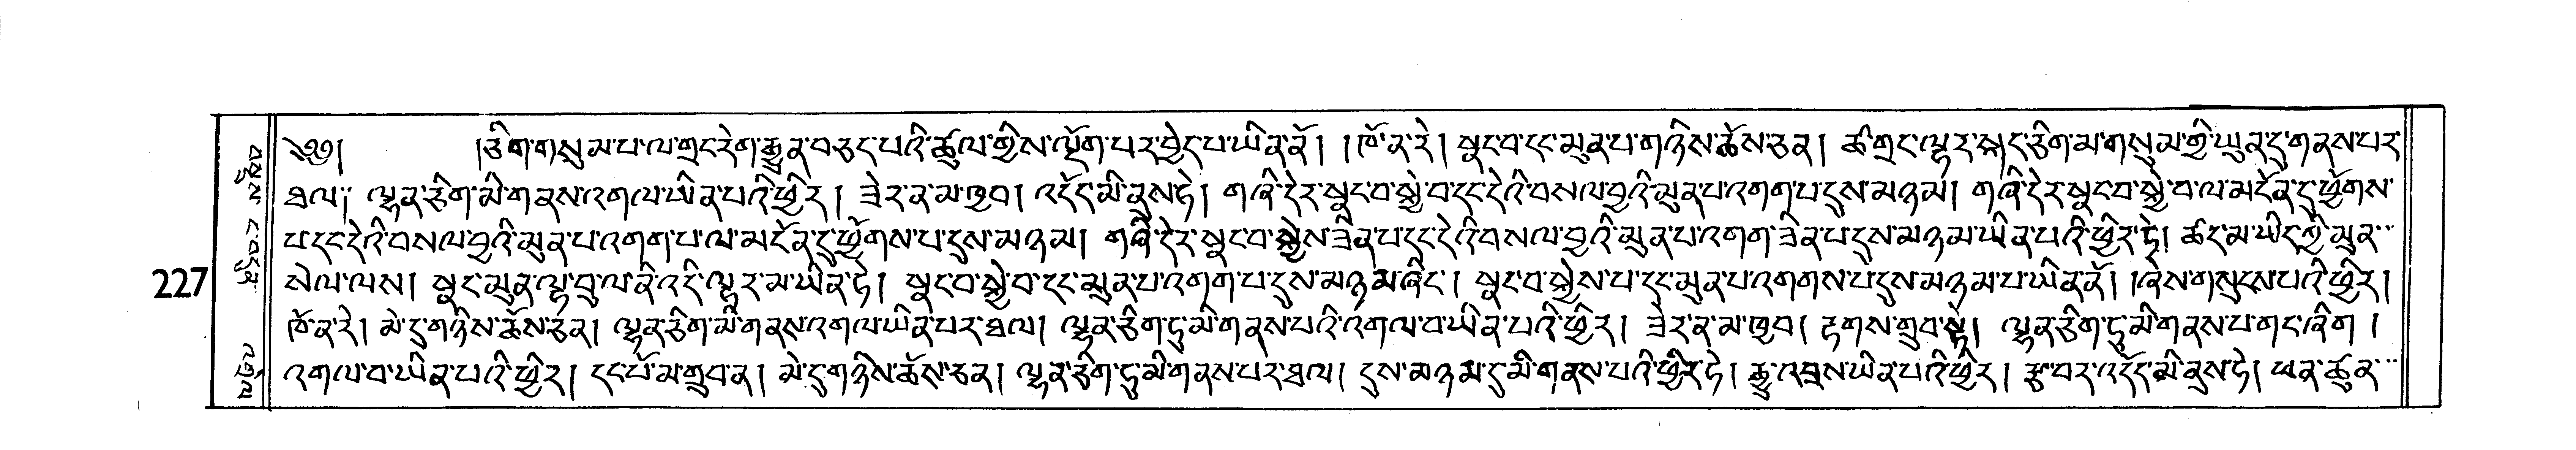༄༅། །ཅིག་གསུམ་པ་ལ་གྲང་རེག་རྒྱུན་བཅད་པའི་ཚུལ་གྱིས་ལྡོག་པར་བྱེད་པ་ཡིན་ནོ། །ཁོ་ན་རེ། སྣང་བ་དང་མུན་པ་གཉིས་ཆོས་ཅན། ཚ་གྲང་ལྟར་སྐད་ཅིག་མ་གསུམ་གྱི་ཡུན་དུ་གནས་པར་
ཐལ༑ ལྷན་ཅིག་མི་གནས་འགལ་ཡིན་པའི་ཕྱིར། ཟེར་ན་མ་ཁྱབ། འདོད་མི་ནུས་ཏེ། གཞི་དེར་སྣང་བ་སྐྱེ་བ་དང་དེའི་བསལ་བྱའི་མུན་པ་འགག་པ་དུས་མཉམ། གཞི་དེར་སྣང་བ་སྐྱེ་བ་ལ་མངོན་དུ་ཕྱོགས་
པ་དང་དེའི་བསལ་བྱའི་མུན་པ་འགག་པ་ལ་མངོན་དུ་ཕྱོགས་པ་དུས་མཉམ། གཞི་དེར་སྣང་བ་སྐྱེས་ཟིན་པ་དང་དེའི་བསལ་བྱའི་མུན་པ་འགག་ཟིན་པ་དུས་མཉམ་ཡིན་པའི་ཕྱིར་ཏེ། ཚད་མ་ཡིན་ཀྱི་མུན་
སེལ་ལས། སྣང་མུན་ལྟ་བུ་ལ་ནི་འདི་ལྟར་མ་ཡིན་ཏེ། སྣང་བ་སྐྱེ་བ་དང་མུན་པ་འགག་པ་དུས་མཉམ་ཞིང་། སྣང་བ་སྐྱེས་པ་དང་མུན་པ་འགགས་པ་དུས་མཉམ་པ་ཡིན་ནོ། །ཞེས་གསུངས་པའི་ཕྱིར།
ཁོ་ན་རེ། མེ་དུ་གཉིས་ཆོས་ཅན། ལྷན་ཅིག་མི་གནས་འགལ་ཡིན་པར་ཐལ། ལྷན་ཅིག་ཏུ་མི་གནས་པའི་འགལ་བ་ཡིན་པའི་ཕྱིར། ཟེར་ན་མ་ཁྱབ། རྟགས་གྲུབ་སྟེ། ལྷན་ཅིག་ཏུ་མི་གནས་པ་གང་ཞིག །
འགལ་བ་ཡིན་པའི་ཕྱིར། དང་པོ་མ་གྲུབ་ན། མེ་དུ་གཉིས་ཆོས་ཅན། ལྷན་ཅིག་ཏུ་མི་གནས་པར་ཐལ། དུས་མཉམ་དུ་མི་གནས་པའི་ཕྱིར་ཏེ། རྒྱུ་འབྲས་ཡིན་པའི་ཕྱིར། རྩ་བར་འདོད་མི་ནུས་ཏེ། ཕན་ཚུན་